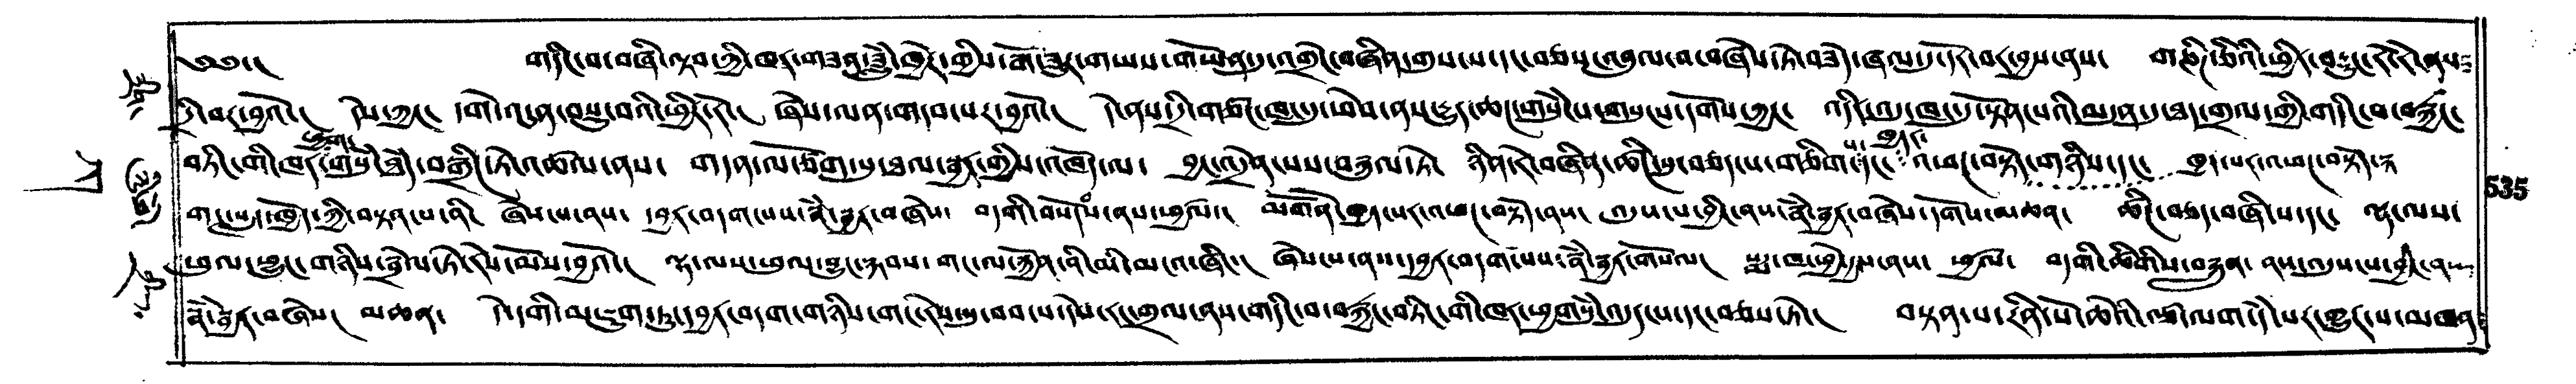གདིང་བ་བཞི་བལྟབ་ཀྱི་ཁར་གཟན་ཟླུམ་ཁྱེར་གྱིས་སྒོ་ཟུར་གཡས་གཡོན་དུ་འགྲེང་བཞིན་གུས་པ་དང་བཅས་འབུལ་བ་བཞེས་ཏེ་བཟེད་ཞལ་དུ་དོར་བར་བྱས་ནས། གཎྜི་ཅིའི་ཕྱིར་བརྡུང་རེ་རེ་ནས་
འདྲི་བར་བྱའོ།། དེས་ཀྱང་། དགེ་འདུན་བསྡུ་བའི་ཕྱིར་རོ།། ཞེས་ལན་གདབ་པར་བྱའོ།། དེ་ནས་དྲི་གཙང་ཁང་དུ་ཕེབ་ནས་རྒྱུད་ཆགས་གསུམ་པ་གསུངས་དགོས་ཀྱང་། འདིར་འདུ་ཁང་དུ་སྟོན་པའི་མདུན་དུ་ཐད་གྲལ་གྱི་གདིང་བ་རྐྱང་
བཏིང་གི་ཁར་ཕྱག་གསུམ་ཐམས་ཅད་བསྒྲིགས་ཏེ་འཚལ་ནས།གདན་ལ་ཙོག་པུ་ཐལ་སྦྱར་གྱིས་འཁོད་ལ། བྱང་འདྲེན་པས་བསྐུལ་ཏེ། ཉིན་རེ་བཞིན་ཚིགས་སུ་བཅད་པ་གཅིག་པ་དང་ཁྱད་པར་འཕགས་བསྟོད་གཉིས་དང་། ༼ཁྱད་པར་འཕགས་བསྟོད་སྐབས། 
གང་སླད་ཁྱོད་ཀྱི་བསྟན་པ་ནི། ཞེས་པ་ནས། དབྱར་བདག་པས་སྣམ་སྦྱར་བཞེས། བདག་གི་བསོད་ནམས་ནས་ཕྱག་འཚལ། མགོན་པོ་ཁྱད་པར་འཕགས་བསྟོད་ནས་འདུས་པ་བྱིང་ནས་སྣམ་སྦྱར་བཞེས་དགོས། མཆན།༽ ཚིགས་བཅད་བཞི་པ་དང་། ལྷ་ལས་
ཕུལ་ཕྱུང་གཉིས་སྦྲེལ་ཏེ་རེས་མོས་བྱའོ།། ༼ལྷ་ལས་ཕུལ་བྱུང་སྐབས། གང་ལ་སྐྱོན་ནི་མི་མངའ་ཞིང་། །ཞེས་པ་ནས་དབྱར་བདག་པས་སྣམ་སྦྱར་གསོལ། པདྨ་ཁ་ཕྱེ་རྒྱས༴ ནས་ཕྱག་འཚལ། བདག་གི་ཚིག་གིས་བསྐྲུན༴ ནས་འདུས་པ་བྱིང་ནས་
སྣམ་སྦྱར་བཞེས། མཆན།༽ དེ་དག་གི་མཇུག་ཏུ་དབྱར་བདག་གཉིས་གང་རེས་སུ་བབ་པ་དེས་རང་གྲལ་ནས་གདིང་བ་བརྐྱང་བཏིང་གི་ཁར་ཕྱག་གསུམ་འདུད་པ་དང་བཅས་ཏེ། བ སྟན་པ་རིན་པོ་ཆེའི་རྩ་ལག་དམ་པར་གྱུར་པ་མཁན་